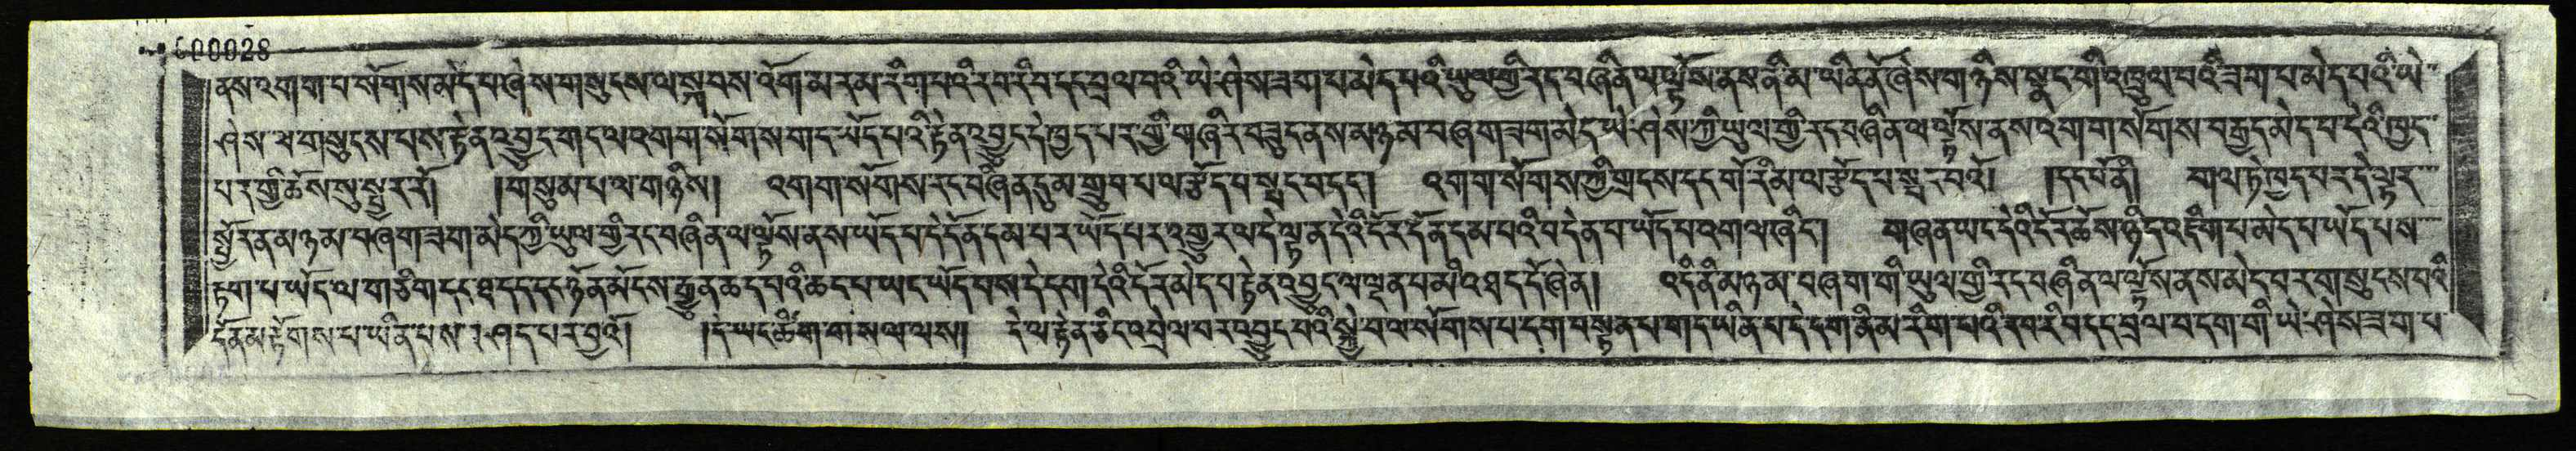ནས་འགག་པ་སོགས་མེད་པ་ཞེས་གསུངས་ལ་སྐབས་འོག་མ་རམ་རིག་པའི་རབ་རིབ་དང་བྲལ་བའི་ཡེ་ཤེས་ཟག་པ་མེད་པའི་ཡུལ་གྱི་རང་བཞིན་ལ་ལྟོས་ནས་ནི་མ་ཡིན་ནོ་ཞེས་གཉིས་སྣང་གི་འཁྲུལ་བའི་ཟག་པ་མེད་པའི་ཡེ་
ཤེས་ལ་གསུངས་པས་རྟེན་འབྱུང་གང་ལ་འགག་སོགས་གང་ཡོད་པའི་རྟེན་འབྱུང་དེ་ཁྱད་པར་གྱི་གཞིར་བཟུང་ནས་མཉམ་བཞག་ཟག་མེད་ཡེ་ཤེས་ཀྱི་ཡུལ་གྱི་རང་བཞིན་ལ་ལྟོས་ནས་འགག་སོགས་བརྒྱད་མེད་པ་དེའི་ཁྱད་
པར་གྱི་ཆོས་སུ་སྦྱར་རོ། །གསུམ་པ་ལ་གཉིས། འགག་སོགས་རང་བཞིན་དུ་མ་གྲུབ་པ་ལ་རྩོད་པ་སྤང་པ་དང་། འགག་སོགས་ཀྱི་གྲངས་དང་གོ་རིམ་ལ་རྩོད་པ་སྤང་བའོ། །དང་པོ་ནི། གལ་ཏེ་ཁྱད་པར་དེ་ལྟར་
སྤྱོར་ན་མཉམ་བཞག་ཟག་མེད་ཀྱི་ཡུལ་གྱི་རང་བཞིན་ལ་ལྟོས་ནས་ཡོད་པ་དེ་དོན་དམ་པར་ཡོད་པར་འགྱུར་ལ་དེ་ལྟ་ན་དེའི་ངོར་དོན་དམ་པའི་བདེན་པ་ཡོད་པ་འགལ་ཞིང་། གཞན་ཡང་དེའི་ངོར་ཆོས་ཉིད་འཇིག་པ་མེད་པ་ཡོད་པས་
རྟག་པ་ཡོད་ལ་གཅིག་དང་ཐ་དད་དང་ཉོན་མོངས་རྒྱུན་ཆད་པའི་ཆད་པ་ཡང་ཡོད་པས་དེ་དག་དེའི་དོར་མེད་པ་རྟེན་འབྱུང་ལ་ལྡན་པ་མི་འཐད་དོ་ཞེ་ན། འདི་ནི་མཉམ་བཞག་གི་ཡུལ་གྱི་རང་བཞིན་ལ་ལྟོས་ནས་མེད་བར་གསུངས་པའི་
དོན་མ་རྟོགས་པ་ཡིན་པས་ཤད་པར་བྱའོ། །དེ་ཡང་ཚིག་གསལ་ལས། དེ་ལ་རྟེན་ཅིང་འབྲེལ་བར་འབྱུང་བའི་སྐྱེ་བ་ལ་སོགས་པ་དག་བསྟན་པ་གང་ཡིན་པ་དེ་དག་ནི་མ་རིག་པའི་རབ་རིབ་དང་བྲལ་བ་དག་གི་ཡེ་ཤེས་ཟག་པ་